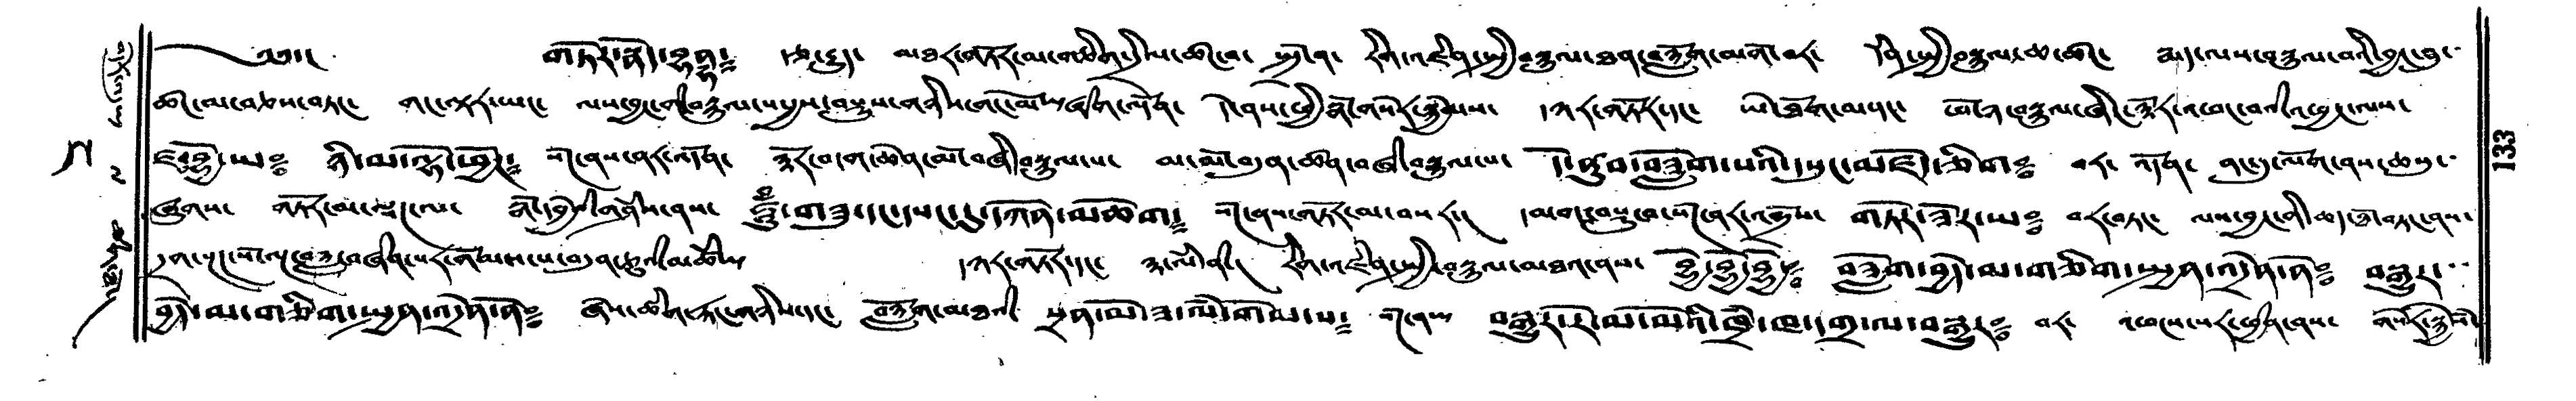གཏོར་སྣོད་བྷནྡྷ༴ རྩ་རྒྱུད། མཐར་གཏོར་མ་གཅིག་དྲིལ་ཚང་བ། སྤྲོ་ན། རིག་འཇིན་སྤྱི་སྐུལ་ཐན་ཟློག་མགོ་བར། དོན་དམ་སྤྱི་སྐུལ་ཆ་ཚང་། སྨད་ལས་སྐུལ་བའི་བྱང་བུ་
ཚང་མ་བཅས་བཏང་། གང་ལྟར་ཡང་། ལས་བྱང་གི་སྐུལ་པ་རྒྱས་བསྡུས་གཉིས་གང་མོས་ཞིག་འདོན། དེ་ནས་ཕྱི་སྒོ་གསེར་སྐྱེམས། དཀར་གཏོར་དང་། ཡེ་ཐོག་མ་དང་། ཕོ་ཉ་སྐུལ་ཞིང་ཟོར་འཕང་བའི་འཕྱང་ལས། 
ཛཿབྷྱོ་ཡ༔ ཉི་མ་ལྷོ་ཕྱོགས༴ སོགས་ནས་ནར་འདོན། ཟོར་བདག་ཆེན་མོ་བཞི་སྐུལ་པ། མ་མོ་བདུན་ཚན་བཞི་སྐུལ་པ། དོ་ནུབ་བཟློག་པའི་དཔུང་མཛོད་ཅིག༔ བར་འདོན། ནང་དུ་ལོག་ནས་ཆས་སུ་
བཞུགས། གཏོར་མ་ལྕགས་ལ།སྒོ་དབྱེའི་གཤམ་ནས ། ཧཱུྃ༔ གཟུ་དང་དཔང་དུ་དཀོན་མཆོག༴ སོགས་ནས་གཏོར་མ་བསར། དམག་བསྡུ་བ་སོགས་ནར་འགྲོས། གཏོར་ཟོར་ཡ༔ བར་བཏང་། ལས་བྱང་གི་ཆད་ཐོ་བཏང་ནས་
དྲག་སྔགས་སོ་ལྔ་བཟླ་བཞིན་པར་གོམ་པ་བདུན་ཅུའི་མཚམས། དཀར་གཏོར་དང་། ཟ་ལམ་ནི། རིག་འཛིན་སྤྱི་སྐུལ་མཐའ་ནས། བྷྱོ་བྷྱོ་བྷྱོ༔ ཟློག་བྱེད་མ་གཅིག་སྤྱན་འདྲེན་ནོ༔ བསྒྱུར་
བྱེད་མ་གཅིག་སྤྱན་འདྲེན་ནོ༔ ཞེས་ཚིག་རྐང་གཉིས་དང་། ཟློག་མཐའི། སྲིན་མོའི་ཟ་ལམ་གོམ་པ༴ སོགས་ནས། སྒྱུར་རོ་མ་མོའི་ཁྲམ་ཁ་དགྲ་ལ་སྒྱུར༔ བར། འཕང་སར་ཕྱིན་ནས། གསེར་སྐྱེམས་